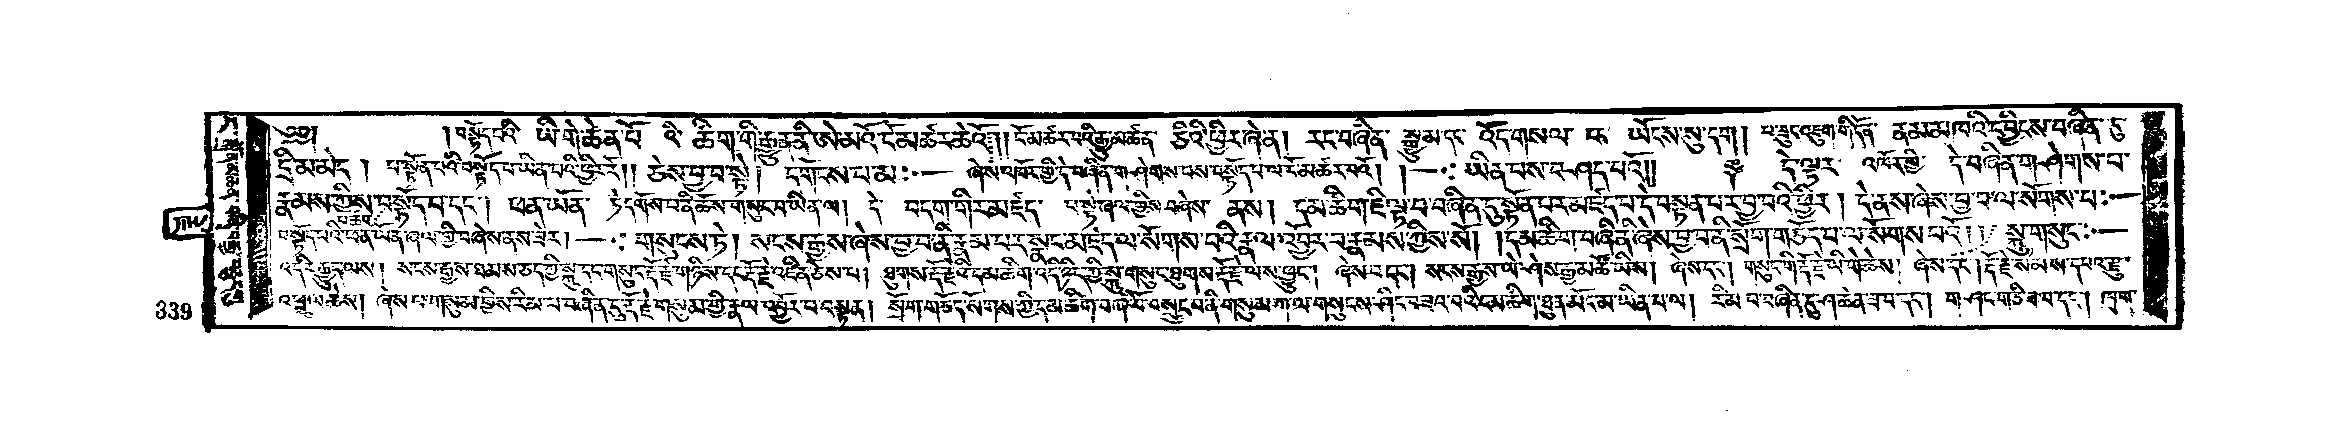༄༅། །བསྟོད་པའི་ཡི་གེ་ཆེན་པོའི་ཚིག་གི་རྒྱུན་ནི་ཨེ་མའོ་ངོ་མཚར་ཆེའོ། །ངོ་མཚར་བའི་རྒྱུ་མཚན་ཅིའི་ཕྱིར་ཞེ་ན། རང་བཞིན་སྒྱུ་མ་དང་འོད་གསལ་དང་ཡོངས་སུ་དག། པ་ཟུང་འཇུག་གི་དོན་ནམ་མཁའི་དབྱིངས་བཞིན་དུ
དྲི་མ་མེད། པ་སྟོན་པའི་བསྟོད་པ་ཡིན་པའི་ཕྱིར་རོ། །  ཅེས་བྱ་བ་སྟེ། དགོངས་པ་མ་H.་ཞེས་འཁོར་གྱི་དེ་བཞིན་གཤེགས་པས་བསྟོད་པ་ལ་ངོ་མཚར་བའོ། ། .H ཡིན་པས་བཤད་པའོ།། ༈ དེ་ལྟར་འཁོར་གྱི་དེ་བཞིན་གཤེགས་པ་
རྣམས་ཀྱི་བསྟོད་པ་དང་། ཕན་ཡོན་ཏེ་དགོས་པ་ནི་ཆོས་གསུང་བ་ཡིན་ལ། དེ་བདག་གིར་མཛད་པ་སྟེ་ཞལ་གྱིས་བཞེས་ནས། དམ་ཚིག་ཇི་ལྟ་བ་བཞིན་དུ་སྟོན་པར་མཛད་པ་དེ་བསྟན་པར་བྱ་བའི་ཕྱིར། དེ་ནས་ཞེས་བྱ་བ་ལ་སོགས་པ་H.
བསྟོད་པའི་པ་ཚབ་ཕན་ཡོན་ཞལ་གྱི་བཞེས་ནས་ཟེར།  .H གསུངས་ཏེ། སངས་རྒྱས་ཞེས་བྱ་བ་ནི་རྣམ་པར་སྣང་མཛད་ལ་སོགས་པའི་རྣལ་འབྱོར་པ་རྣམས་ཀྱིས་སོ། །དམ་ཚིག་བཞི་ནི་ཞེས་བྱ་བ་ནི་སྲོག་གཅོད་པ་ལ་སོགས་པའོ། །སྐུ་གསུང་H.
འདིར་རྒྱུད་ལས། སངས་རྒྱས་ཐམས་ཅད་ཀྱི་སྐུ་དང་གསུང་རྡོ་རྗེ་གཉིས་དང་རྡོ་རྗེ་འཛིན་ཅེས་པ། ཐུགས་རྡོ་རྗེའི་དམ་ཚིག་འདི་ཉིད་ཀྱི་སྐུ་གསུང་ཐུགས་རྡོ་རྗེ་ལས་ཕྱུང་། ཞེས་པ་དང་། སངས་རྒྱས་ཡེ་ཤེས་རྒྱ་མཚོ་ཡིས། ཞེས་དང་། གསུང་གི་རྡོ་རྗེ་ཡི་གེ་ཆེས། ཞེས་དང་། རྡོ་རྗེ་སེམས་དཔའ་རྫུ་
འཕྲུལ་ཆེས། ཞེས་པ་གསུམ་གྱིས་རིམ་པ་བཞིན་དུ་རྡོ་རྗེ་གསུམ་གྱི་རྣལ་འབྱོར་པ་བསྟན། སྲོག་གཅོད་སོགས་ཀྱི་དམ་ཚིག་བཞི་པོ་བསྲུང་བ་ནི་གསུམ་ཀ་ལ་གསུངས་ཤིང་བཟའ་བའི་དམ་ཚིག་ཐུན་མོང་མ་ཡིན་པ་ལ། རིམ་པ་བཞིན་དུ་ཤ་ཆེན་ཟ་བ་དང་། གཤང་གཅི་ཟ་བ་དང་། ཁྲག་